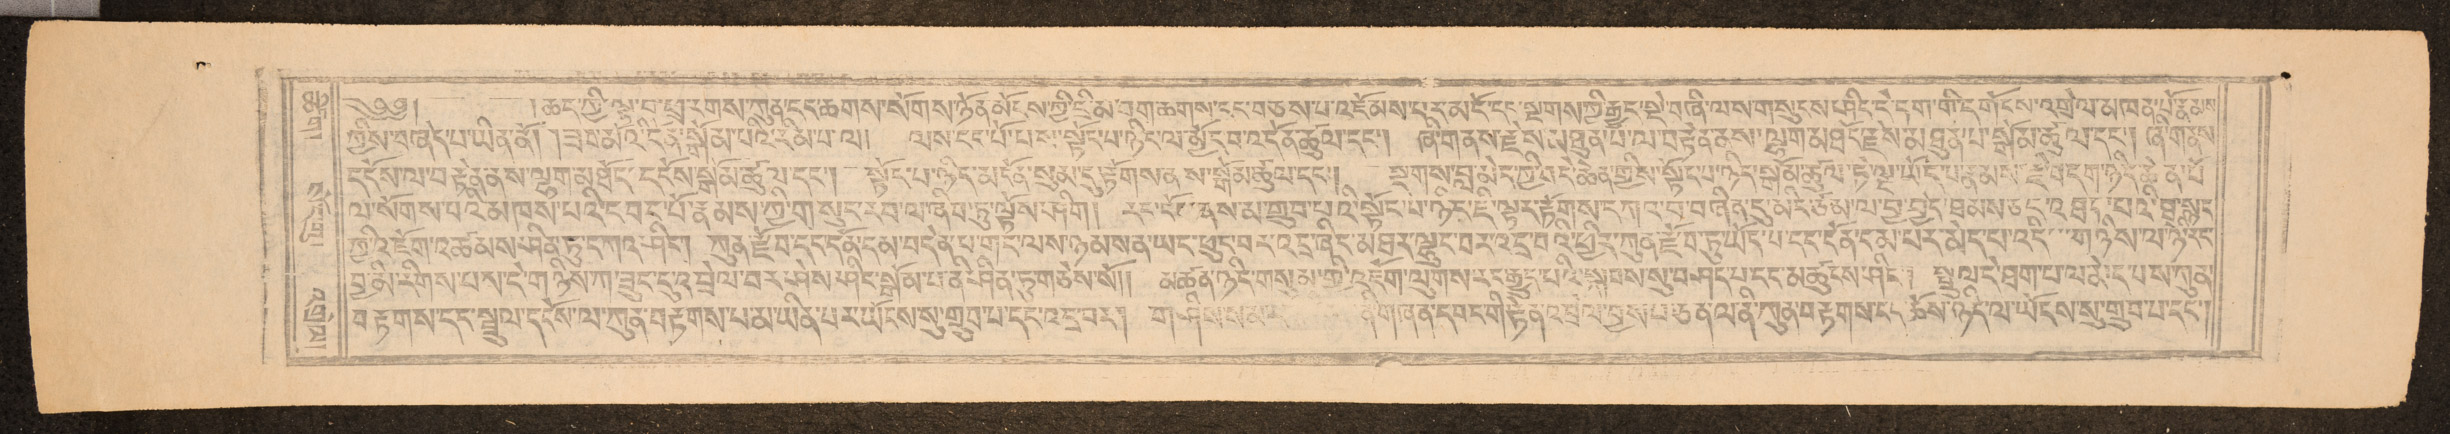༄༅། །ཆད་ཀྱི་ལྟ་བ་ཕྲ་རགས་ཀུན་དང་ཆགས་སོགས་ཉོན་མོངས་ཀྱི་དྲི་མ་བག་ཆགས་དང་བཅས་པ་འཇོམས་པར་མདོ་དང་སྔགས་ཀྱི་རྒྱུད་སྡེ་བཞི་ལས་གསུངས་ཤིང་དེ་དག་གི་དགོངས་འགྲེལ་མཁན་པོ་རྣམས་
ཀྱིས་བཞེད་པ་ཡིན་ནོ། །ཟབ་མོའི་དོན་སྒོམ་པའི་རིམ་པ་ལ། ལས་དང་པོ་པས་སྟོང་པ་ཉིད་ལ་མྱོང་བ་འདོན་ཚུལ་དང་། ཞི་གནས་རྗེས་མཐུན་པ་ལ་བརྟེན་ནས་ལྷག་མཐོང་རྗེས་མཐུན་པ་སྒོམ་ཚུལ་དང་། ཞི་གནས་
དངོས་ལ་བརྟེན་ནས་ལྷག་མཐོང་དངོས་སྒོམ་ཚུལ་དང་། སྟོང་པ་ཉིད་མངོན་སུམ་དུ་རྟོགས་ནས་སྒོམ་ཚུལ་དང་། སྔགས་བླ་མེད་ཀྱི་བདེ་ཆེན་གྱིས་སྟོང་པ་ཉིད་སྒོམ་ཚུལ་ཏེ་ལྔ་ཡོད་པ་རྣམས་རྗེ་བདག་ཉིད་ཆེན་པོ་
ལ་སོགས་པའི་མཁས་པའི་དབང་པོ་རྣམས་ཀྱི་གསུང་རབ་ལ་ཞིབ་ཏུ་ལྟོས་ཤིག། རང་ངོས་ནས་མ་གྲུབ་པའི་སྟོང་པ་ཉིད་ཇི་ལྟར་རྟོགས་དཀའ་བ་བཞིན་དུ་མིང་ཙམ་ལ་བྱ་བྱེད་ཐམས་ཅད་འཐད་པའི་ཐ་སྙད་
ཀྱི་འཇོག་འཚམས་ཤིན་ཏུ་དཀའ་ཤིང་། ཀུན་རྫོབ་དང་དོན་དམ་བདེན་པ་གང་ལས་ཉམས་ན་ཡང་ཕུང་བར་འདྲ་ཞིང་མཐར་ལྷུང་བར་འདྲ་བའི་ཕྱིར་ཀུན་རྫོབ་ཏུ་ཡོད་པ་དང་དོན་དམ་པར་མེད་པ་འདི་གཉིས་ལ་ཉེ་རང་
བྱ་མི་རིགས་པས་དེ་གཉིས་ཀ་ཟུང་དུ་འབྲེལ་བར་ཤེས་ཤིང་སྒོམ་པ་ནི་ཤིན་ཏུ་གཅེས་སོ།། མཚན་ཉིད་གསུམ་གྱི་འཇོག་ལུགས་རང་རྒྱུད་པའི་སྐབས་སུ་བཤད་པ་དང་མཚུངས་ཤིང་། སྤྲུལ་དེ་ཐག་པ་ལ་མེད་པས་ཀུན་
བརྟགས་དང་སྦྲུལ་དངོས་ལ་ཀུན་བརྟགས་པ་མ་ཡིན་པར་ཡོངས་སུ་གྲུབ་པ་དང་འདྲ་བར། གཤིས་སམ་རང་བཞིན་ནི་གཞན་དབང་གི་རྟེན་འབྲེལ་བྱས་པ་ཅན་ལ་ནི་ཀུན་བརྟགས་དང་ཆོས་ཉིད་ལ་ཡོངས་སུ་གྲུབ་པ་དང་།